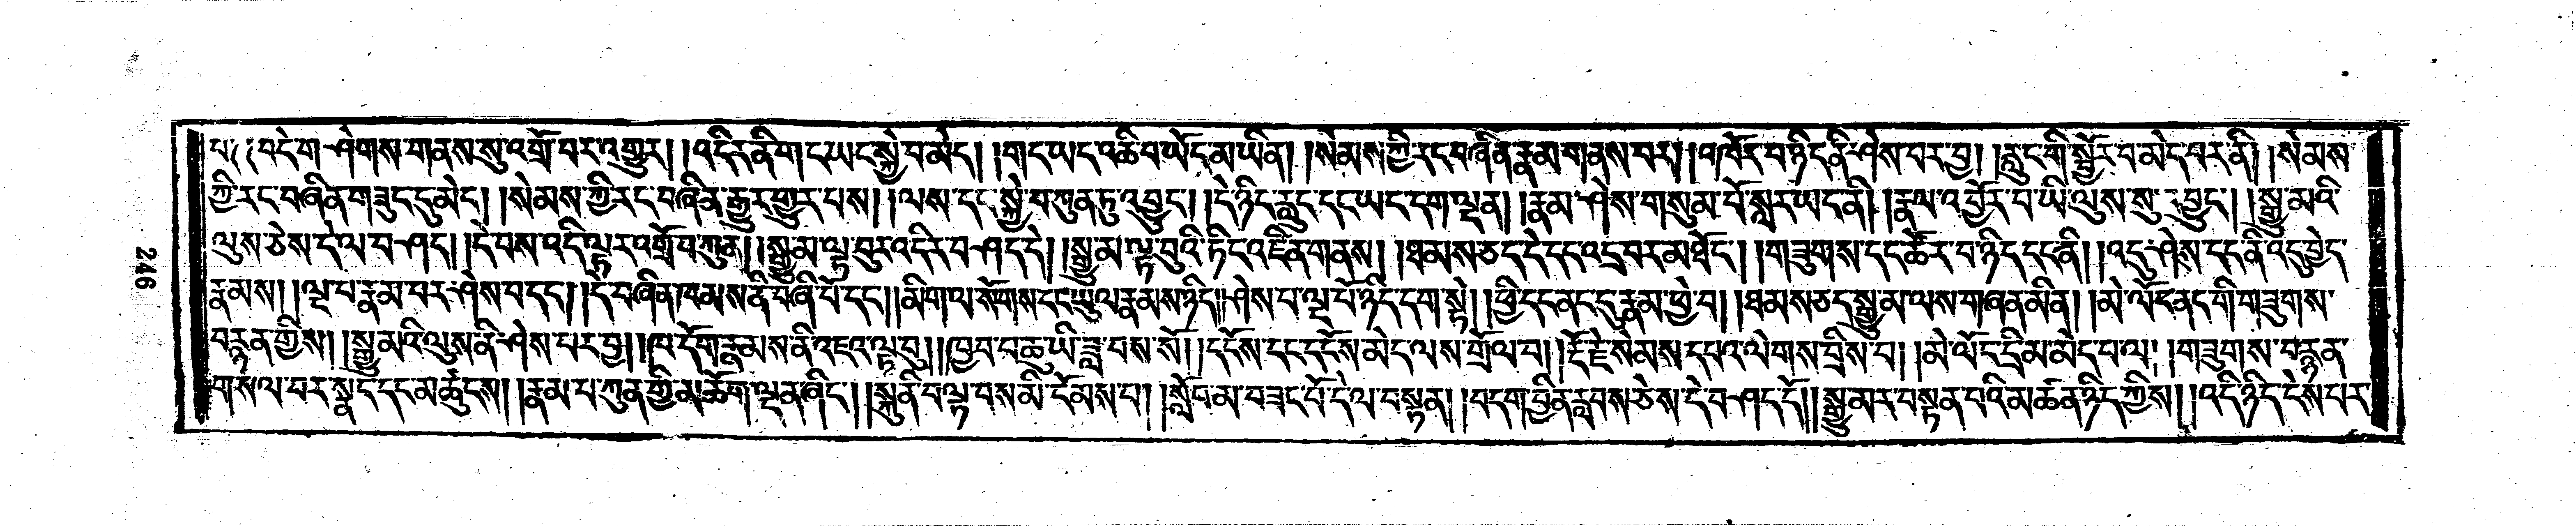པ༑ ༑བདེ་གཤེགས་གནས་སུ་འགྲོ་བར་འགྱུར། །འདིར་ནི་གང་ཡང་སྐྱེ་བ་མེད། །གང་ཡང་འཆི་བ་ཡོད་མ་ཡིན། །སེམས་ཀྱི་རང་བཞིན་རྣམ་གནས་པར། །འཁོར་བ་ཉིད་ནི་ཤེས་པར་བྱ། །རླུང་གི་སྦྱོར་བ་མེད་པར་ནི། །སེམས་
ཀྱི་རང་བཞིན་གཟུང་དུ་མེད། །སེམས་ཀྱི་རང་བཞིན་རྒྱུར་གྱུར་པས། །ལས་དང་སྐྱེ་བ་ཀུན་ཏུ་འབྱུང་། །དེ་ཉིད་རླུང་དང་ཡང་དག་ལྡན། །རྣམ་ཤེས་གསུམ་པོ་སླར་ཡང་ནི། །རྣལ་འབྱོར་པ་ཡི་ལུས་སུ་འབྱུང་། །སྒྱུ་མའི་
ལུས་ཅེས་དེ་ལ་བཤད། །དེ་བས་འདི་ལྟར་འགྲོ་བ་ཀུན། །སྒྱུ་མ་ལྟ་བུར་འདིར་བཤད་དེ། །སྒྱུ་མ་ལྟ་བུའི་ཏིང་འཛིན་གནས། །ཐམས་ཅད་དེ་དང་འདྲ་བར་མཐོང་། །གཟུགས་དང་ཚོར་བ་ཉིད་དང་ནི། །འདུ་ཤེས་དང་ནི་འདུ་བྱེད་
རྣམས། །ལྔ་པ་རྣམ་པར་ཤེས་པ་དང་། །དེ་བཞིན་ཁམས་ནི་བཞི་པོ་དང་། །མིག་ལ་སོགས་དང་ཡུལ་རྣམས་ཉིད། །ཤེས་པ་ལྔ་པོ་ཉིད་དག་སྟེ། །ཕྱི་དང་ནང་དུ་རྣམ་ཕྱེ་བ། །ཐམས་ཅད་སྒྱུ་མ་ལས་གཞན་མིན། །མེ་ལོང་ནང་གི་གཟུགས་
བརྙན་གྱིས། །སྒྱུ་མའི་ལུས་ནི་ཤེས་པར་བྱ། །ཁ་དོག་རྣམས་ནི་འཇའ་ལྟ་བུ། །ཁྱབ་པ་ཆུ་ཡི་ཟླ་བས་སོ། །དངོས་དང་དངོས་མེད་ལས་གྲོལ་བ། །རྡོ་རྗེ་སེམས་དཔའ་ལེགས་བྲིས་པ། །མེ་ལོང་དྲི་མ་མེད་པ་ལ། །གཟུགས་བརྙན་
གསལ་བར་སྣང་དང་མཚུངས། །རྣམ་པ་ཀུན་གྱི་མཆོག་ལྡན་ཞིང་། །སྐུ་ནི་བལྟ་བས་མི་ངོམས་པ། །སློབ་མ་བཟང་པོ་དེ་ལ་བསྟན། །བདག་བྱིན་རླབས་ཅེས་དེ་བཤད་དོ། །སྒྱུ་མར་བསྟན་པའི་མཚན་ཉིད་ཀྱིས། །འདི་ཉིད་ངེས་པ་